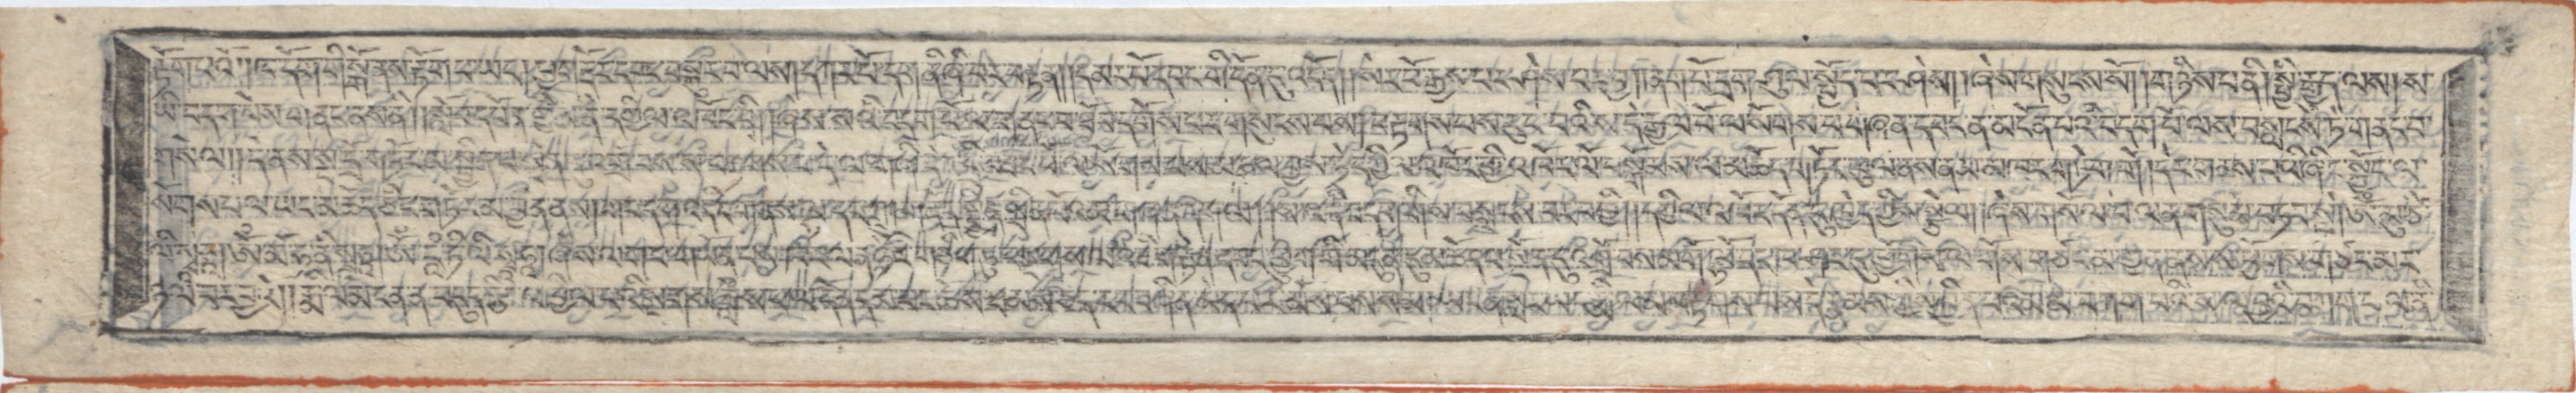རྟོག་པའོ། །ཁ་དོག་གི་སྒོ་ནས་རྟོག་པ་ཡང་། ཕྱག་རྡོར་དབང་བསྐུར་བ་ལས། དཀར་པོ་དག་ནི་ཞི་བར་བརྟན། །དམར་པོ་དབང་གི་དོན་དུ་འདོད། །སེར་པོ་རྒྱས་པར་ཤེས་པར་བྱ། །ནག་པོ་དྲག་ཤུལ་སྤྱོད་པར་ཤེས། །ཞེས་གསུངས་སོ། །གཉིས་པ་ནི། སྤྱི་རྒྱུད་ལས། ས་
ཡི་བདག་པོས་གནང་ནས་ནི། །སློབ་དཔོན་གྱིས་ནི་དཀྱིལ་འཁོར་བྲི། །ཞེས་སའི་བདག་པོ་ལ་གནང་བ་ཐོབ་དགོས་པར་གསུངས་པས། བརྟགས་པས་རུང་བའི་ས་དེ་རྒྱལ་པོ་ལ་སོགས་པ་གཞན་དབང་ན་མངོན་པའི་བདག་པོ་ལས་བསླངས་ཏེ་གནང་བ་
གསོལ། །དེ་ནས་སྔ་དྲོ་གཏོར་མ་སྦྱིན་པ་སྔོན་དུ་འགྲོ་བས་ས་བརྟགས་པ་དེ་ལ་གཞི་དེར་དྲི་བཟང་པོ་ལ་སོགས་པས་མཎྜལ་བྱས་ཏེ་དཀྱིལ་འཁོར་གྱི་འཁོར་ལོ་བསྒོམས་ལ་མཆོད་གཏོར་ཕུལ་ནས་ནམ་མཁར་གཏེག་གོ །དེར་གནས་པའི་ཞིང་སྐྱོང་ལ་
སོགས་པ་ལ་ཡང་མཆོད་ཅིང་གཏོར་མ་བྱིན་ནས། གང་དག་འདིར་གནས་ལྷ་དང་ཀླུ། གནོད་སྦྱིན་སྲིན་པོའམ་གཞན་དག་ལ། །ས་འདི་བདག་གིས་བསླངས་པར་བགྱི། །དཀྱིལ་འཁོར་དོན་དུ་ཁྱེད་ཀྱིས་སྩོལ། །ཞེས་གསོལ་བ་ལན་གསུམ་བཏབ་སྟེ། ཨོཾ་མུ་ཙི་
ལི་སྭ་ཧཱ། ཨོཾ་མོ་ཧ་ནི་སྭཱ་ཧཱ། ཨོཾ་དའཾ་ཏི་ལི་སྭཱ་ཧཱ། ཞེས་ལག་པ་གཡོན་པས་ཁར་ལེན་ཉེར་གཅིག་ཏུ་བསྔགས་ལ་འཇིག་རྟེན་དབང་ཕྱུག་གི་མདུན་དུ་མཆོད་པ་སྔོན་དུ་འགྲོ་བས་མགོ་ལྷོ་དང་ཁ་ཤར་དུ་ཕྱོགས་ལ་གོས་གཙང་མ་གྱན་ནས་ས་ཕྱོགས་གཙང་མར་
ཉལ་བར་བྱའོ། །རྨི་ལམ་ངན་ན་བདུད་རྩི་འཁྱིལ་པའི་སྔགས་ཟློས་པ་ལ་དོན་དམ་པར་ཆོས་ཐམས་ཅད་རང་བཞིན་མེད་པར་མོས་པས་སམ། ཡང་ན་སླར་ཡང་རྨི་ལམ་བརྟགས་པས་དེ་རྣམས་ཀྱིས་བྱིན་པའམ་མ་བཀག་པའི་ས་ལ་བྱའི་བཀག་པ་ལ་ནི་